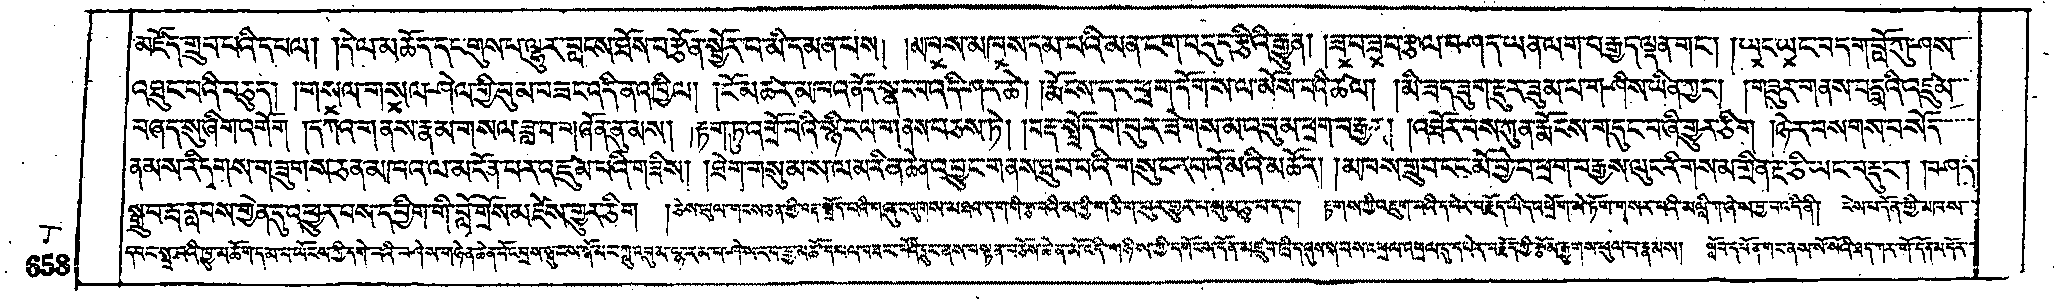མཛོད་གྲུབ་པའི་དཔལ། །དེ་ལ་མཆོད་དང་གུས་པ་ལྟར་བླངས་ཐོས་བརྩོན་སྦྱོར་བ་མི་དམན་པས། །མཁས་མཁས་དམ་པའི་མན་ངག་བདུད་རྩིའི་རྒྱུན། །ཟབ་ཟབ་རྩལ་བཤད་ཡན་ལག་བརྒྱན་ལྡན་གང་། །ཡང་ཡང་བདག་བློ་ཀུ་ཤས་་་
འཐུང་བའི་བཅུད། །གསལ་གསལ་ཤེལ་གྱི་བུམ་བཟང་འདི་ན་འཁྱིལ། །ངོ་མཚར་ནོར་སྣང་བ་འདི་ཤར་ཚེ། །རྨོངས་པ་ཕྲག་དོག་ས་ལ་མོས་པའི་ཚལ། །མི་ཟད་ཟུག་རྡུར་ཟུམ་པ་གཤིས་ཡིན་ཀྱང་། །གཟུར་གནས་པདམའི་འཛུམ་་་
བཞད་སུ་ཞིག་འགོག །དཀའ་གནས་རྣམ་གསལ་ཟླ་བ་གཞོན་ནུ་མས། །རྟག་ཏུ་འགྲོ་བའི་སྙིང་ལ་གནས་བཅས་ཏེ། །བརྡ་སྤྲོད་ག་བུར་ཟེགས་མ་འབུམ་ཕྲག་བརྒྱར། །འཐོར་བས་ཀུན་རྨོངས་གདུང་བ་ཞི་གྱུར་ཅིག །ཉེར་བསགས་བསོད་་་
ནམས་རི་དྭགས་གཟུགས་ཅན་མཁའ་ལ་མངོན་པར་འཛུམ་པའི་གཟིས། །ཐེག་གསུམ་ས་ལམ་རིན་ཆེན་འབྱུང་གནས་ཐུབ་པའི་གསུང་རབ་འོ་མའི་མཚོར། །མཁས་གྲུབ་ངང་མོ་བྱེ་བ་ཕྲག་བརྒྱས་ལུང་རིགས་མགྲིན་རང་ཅི་ཡང་བརྡུང་། །བཤད་
སྒྲུབ་རྦ་རླབས་གྱེན་དུ་འཕྱུར་བས་དབྱིག་གི་བློ་གྲོས་མཛེས་གྱུར་ཅིག །ཅེས་ཡུལ་གངས་ཅན་གྱི་བརྡ་སྤྲོད་པའི་གཞུང་ལུགས་མཐའ་དག་གི་རྩ་བའི་མ་ཕྱི་གཅིག་པུར་གྱུར་པ་སུམ་ཅུ་པ་དང་། རྟགས་ཀྱི་འཇུག་པའི་དཔེར་བརྗོད་ཡིད་འཕྲོག་མེ་ཏོག་གསར་པའི་མལླི་ཀ་ཞེས་བྱ་བའི་འདི་ནི། ངེས་པ་དོན་གྱི་མཁས་་་
དབང་སྨྲ་བའི་ཁྱུ་མཆོག་དམ་པ་ཡོངས་ཀྱི་དགེ་བའི་བཤེས་གཉེན་ཆེན་པོ་འབྲས་སྤུངས་སྒོ་མང་ཀླུ་འབུམ་ལྷ་རམ་པ་ཤེས་རབ་རྒྱ་མཚོ་དཔལ་བཟང་པོའི་དྲུང་ནས་བསྟན་བཅོས་ཆེན་མོ་འདི་གཉིས་ཀྱི་དགོངས་དོན་མཛུབ་ཁྲིད་ཞུས་སྐབས་འཕྲལ་དུ་དཔེར་བརྗོད་ཀྱི་རྩོམ་རྒྱུགས་ཕུལ་བ་རྣམས། སློབ་དཔོན་གང་ནས་སོ་སོའི་ཐད་ཀར་གོ་དོན་མདོར་་་